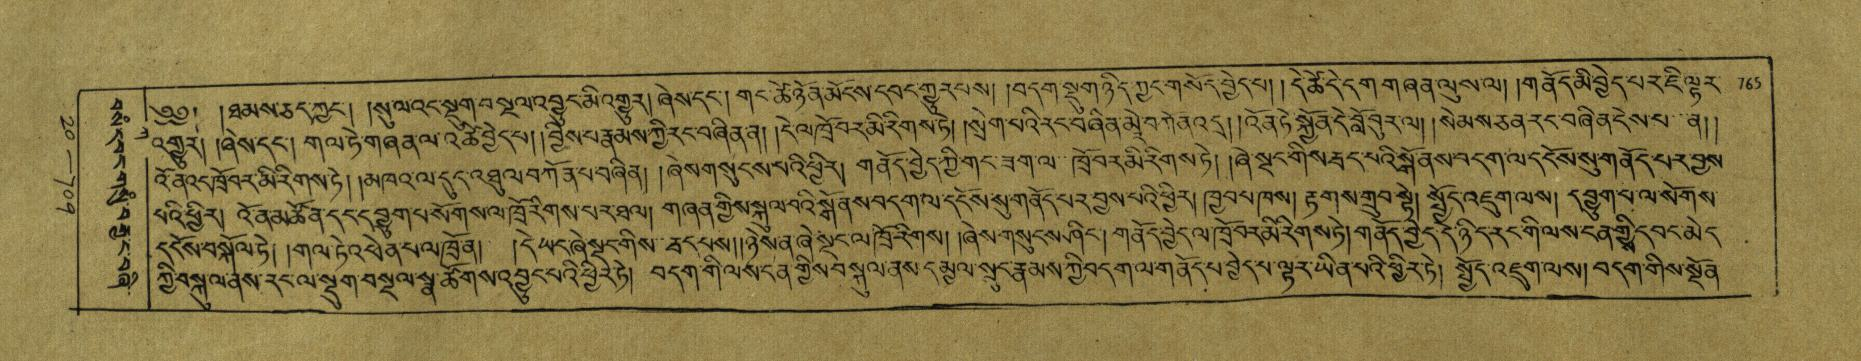༄༅། །ཐམས་ཅད་ཀྱང་། །སུ་ལ་འང་སྡུག་བསྔལ་འབྱུང་མི་འགྱུར། །ཞེས་དང་། གང་ཚེ་ཉོན་མོངས་དབང་གྱུར་པས། །བདག་སྡུག་ཉིད་ཀྱང་གསོད་བྱེད་པ། །དེ་ཚེ་དེ་དག་གཞན་ལུས་ལ། །གནོད་མི་བྱེད་པར་ཇི་ལྟར་
འགྱུར། །ཞེས་དང་། གལ་ཏེ་གཞན་ལ་འཚེ་བྱེད་པ། །བྱིས་པ་རྣམས་ཀྱི་རང་བཞིན་ན། །དེ་ལ་ཁྲོ་བར་མི་རིགས་ཏེ། །སྲེག་པའི་རང་བཞིན་མེར་བཀོན་འདྲ། །འོན་ཏེ་སྐྱོན་དེ་བློ་བུར་ལ། །སེམས་ཅན་རང་བཞིན་ངེས་པ་ན།།
འོ་ན་འང་ཁྲོ་བར་མི་རིགས་ཏེ། །མཁའ་ལ་དུད་འཐུལ་བཀོན་པ་བཞིན། །ཞེས་གསུངས་པའི་ཕྱིར། གནོད་བྱེད་ཀྱི་གང་ཟག་ལ་ཁྲོ་བར་མི་རིགས་ཏེ། །ཞེ་སྡང་གིས་རྦད་པའི་སྒོ་ནས་བདག་ལ་དངོས་སུ་གནོད་པར་བྱས་
པའི་ཕྱིར། འོ་ན་མཚོན་དང་དབྱུག་པ་སོགས་ལ་ཁྲོ་རིགས་པར་ཐལ། གཞན་གྱིས་སྐུལ་བའི་སྒོ་ནས་བདག་ལ་དངོས་སུ་གནོད་པར་བྱས་པའི་ཕྱིར། ཁྱབ་པ་ཁས། རྟགས་གྲུབ་སྟེ། སྤྱོད་འཇུག་ལས། དབྱུག་པ་ལ་སོགས་
དངོས་བསྐོལ་ཏེ། །གལ་ཏེ་འཕེན་པ་ལ་ཁྲོ་ན། །དེ་ཡང་ཞེ་སྡང་གིས་རྦད་པས། །ཉེས་ན་ཞེ་སྡང་ལ་ཁྲོ་རིགས། །ཞེས་གསུངས་ཤིང་། གནོད་བྱེད་ལ་ཁྲོ་བར་མི་རིགས་ཏེ། གནོད་བྱེད་དེ་ཉིད་རང་གི་ལས་ངན་གྱིས་དབང་མེད་
ཀྱི་བསྐུ་ལ་ནས་རང་ལ་སྡུག་བསྔལ་སྣ་ཚོགས་འབྱུང་པའི་ཕྱིར་ཏེ། བདག་གི་ལས་ངན་གྱིས་བསྐུལ་ནས་དམྱལ་སྲུང་རྣམས་ཀྱི་བདག་ལ་གནོད་པ་བྱེད་པ་ལྟར་ཡིན་པའི་ཕྱིར་ཏེ། སྤྱོད་འཇུག་ལས། བདག་གིས་སྔོན་